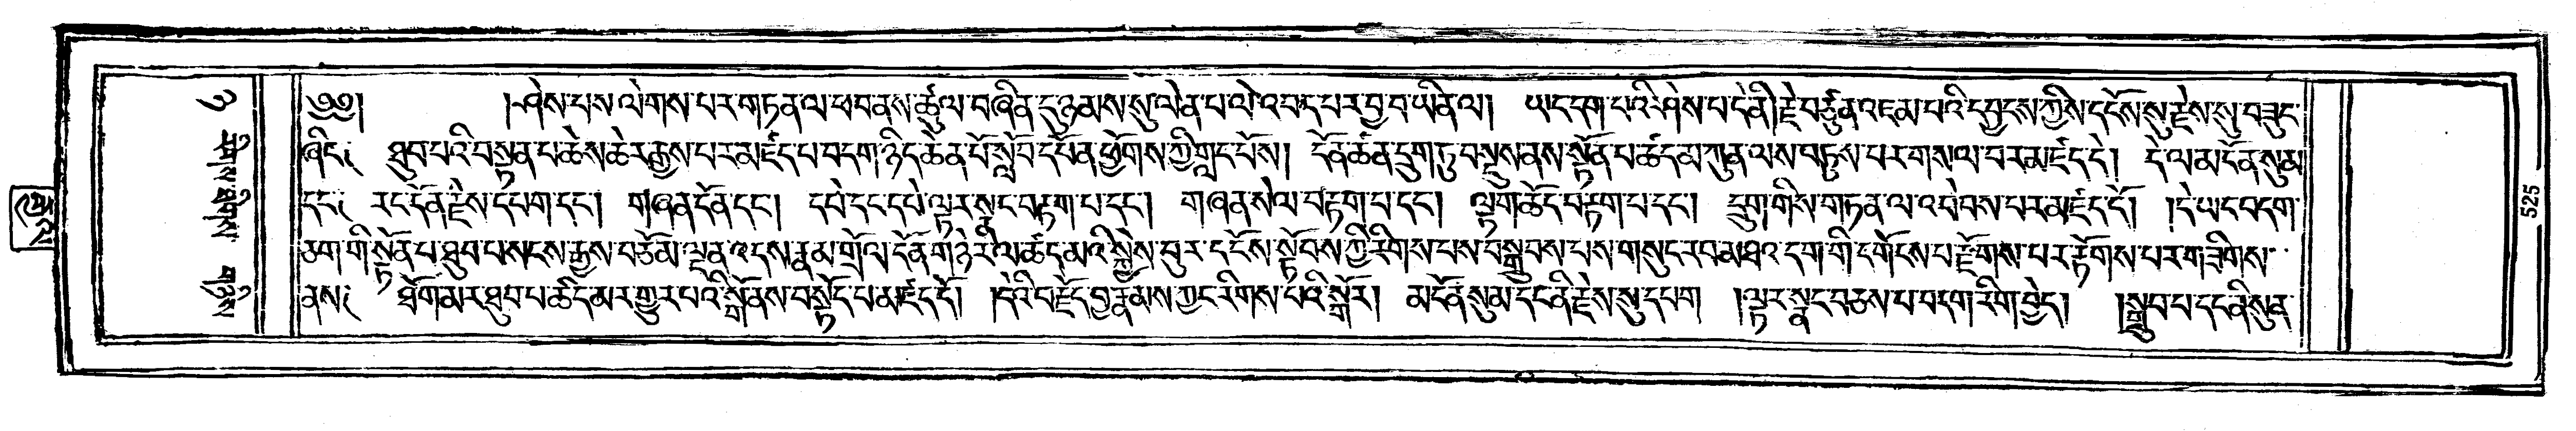༄༅། །ཤེས་པས་ལེགས་པར་གཏན་ལ་ཕབ་ནས་ཚུལ་བཞིན་དུ་ཉམས་སུ་ལེན་པ་ལེ་འབད་པར་བྱ་བ་ཡིན་ལ། ཡང་དག་པའི་ཤེས་པ་དེ་ནི། རྗེ་བཙུན་འཇམ་པའི་དབྱངས་ཀྱིས་དངོས་སུ་རྗེས་སུ་བཟུང་
ཞིང༑ ཐུབ་པའི་བསྟན་པ་ཆེས་ཆེར་རྒྱས་པར་མཛད་པ་བདག་ཉིད་ཆེན་པོ་སློབ་དཔོན་ཕྱོགས་ཀྱི་གླང་པོས། དོན་ཚན་དྲུག་ཏུ་བསྡུས་ནས་སྟོན་པ་ཚད་མ་ཀུན་ལས་བཏུས་པར་གསལ་བར་མཛད་དེ། དེ་ལ་མངོན་སུམ་
དང༑ རང་དོན་རྗེས་དཔག་དང་། གཞན་དོན་དང་། དཔེ་དང་དཔེ་ལྟར་སྣང་བརྟག་པ་དང་། གཞན་སེལ་བརྟག་པ་དང་། ལྷག་ཆོད་བརྟག་པ་དང་། དྲུག་གིས་གཏན་ལ་འབེབས་པར་མཛད་དོ། །དེ་ཡང་བདག་
ཅག་གི་སྟོན་པ་ཐུབ་པ་སངས་རྒྱས་བཅོམ་ལྡན་འདས་རྣམ་གྲོལ་དོན་གཉེར་ལ་ཚད་མའི་སྐྱེས་བུར་དངོས་སྟོབས་ཀྱི་རིགས་པས་བསྒྲུབ་པས་གསུང་རབ་མཐའ་དག་གི་དགོངས་པ་རྫོགས་པར་རྟོགས་པར་གཟིགས་
ནས༑ ཐོག་མར་ཐུབ་པ་ཚད་མར་གྱུར་པའི་སྒོ་ནས་བསྟོད་པ་མཛད་དོ། །དེའི་བརྗོད་བྱ་རྣམས་ཀྱང་རིགས་པའི་སྒོར། མངོན་སུམ་དང་ནི་རྗེས་སུ་དཔག །ལྟར་སྣང་བཅས་པ་བདག་རིག་བྱེད། །སྒྲུབ་པ་དང་ནི་སུན་